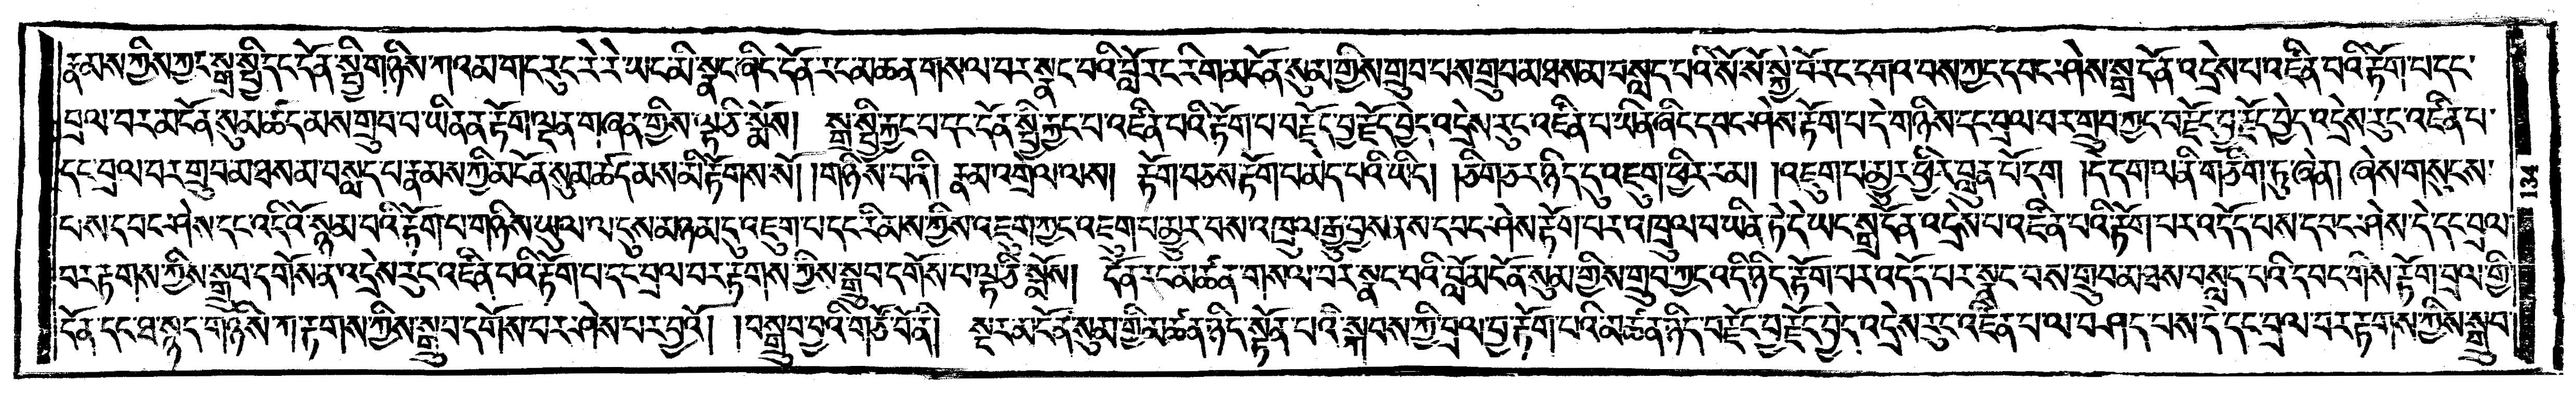རྣམས་ཀྱིས་ཀྱང་སྒྲ་སྤྱི་དང་དོན་སྤྱི་གཉིས་ཀའམ་གང་རུང་རེ་རེ་ཡང་མི་སྣང་ཞིང་དོན་རང་མཚན་གསལ་བར་སྣང་བའི་བློ་རང་རིག་མངོན་སུམ་གྱིས་གྲུབ་པས་གྲུབ་མཐས་མ་བསླད་པའི་སོ་སོ་སྐྱེ་བོ་རང་དགའ་བས་ཀྱང་དབང་ཤེས་སྒྲ་དོན་འདྲེས་པ་འཛིན་པའི་རྟོག་པ་དང་
བྲལ་བར་མངོན་སུམ་ཚད་མས་གྲུབ་པ་ཡིན་ན་རྟོག་ལྡན་གཞན་གྱིས་ལྟ་ཅི་སྨོས། སྒྲ་སྤྱི་རྐྱང་པ་དང་དོན་སྤྱི་རྐྱང་བ་འཛིན་པའི་རྟོག་པ་བརྗོད་བྱ་རྗོད་བྱེད་འདྲེས་རུང་འཛིན་པ་ཡིན་ཞིང་དབང་ཤེས་རྟོག་པ་དེ་གཉིས་དང་བྲལ་བར་གྲུབ་ཀྱང་བརྗོད་བྱ་རྗོད་བྱེད་འདྲེས་རུང་འཛིན་པ་
དང་བྲལ་བར་གྲུབ་མཐས་མ་བསླད་པ་རྣམས་ཀྱི་མངོན་སུམ་ཚད་མས་མི་རྟོགས་སོ། །གཉིས་པ་ནི། རྣམ་འགྲེལ་ལས། རྟོག་བཅས་རྟོག་པ་མེད་པའི་ཡིད། །ཅིག་ཅར་ཉིད་དུ་འཇུག་ཕྱིར་རམ། །འཇུག་པ་མྱུར་ཕྱིར་བླུན་པོ་དག །དེ་དག་ལ་ནི་གཅིག་ཏུ་ཞེ་ན། ཞེས་གསུངས་
པས་དབང་ཤེས་དང་འདིའོ་སྙམ་པའི་རྟོག་པ་གཉིས་ཡུལ་ལ་དུས་མཉམ་དུ་འཇུག་པ་དང་རིམས་ཀྱིས་འཇུག་ཀྱང་འཇུག་པ་མྱུར་བས་འཁྲུལ་རྒྱུ་བྱས་ནས་དབང་ཤེས་རྟོག་པར་འཁྲུལ་བ་ཡིན་ཏེ་དེ་ཡང་སྒྲ་དོན་འདྲེས་པ་འཛིན་པའི་རྟོག་པར་འདོད་པས་དབང་ཤེས་དེ་དང་བྲལ་
པར་རྟགས་ཀྱིས་སྒྲུབ་དགོས་ན་འདྲེས་རུང་འཛིན་པའི་རྟོག་པ་དང་བྲལ་བར་རྟགས་ཀྱིས་སྒྲུབ་དགོས་པ་ལྟ་ཅི་སྨོས། དོན་རང་མཚན་གསལ་བར་སྣང་བའི་བློ་མངོན་སུམ་གྱིས་གྲུབ་ཀྱང་འདི་ཉིད་རྟོག་པར་འདོད་པར་སྣང་བས་གྲུབ་མཐས་བསླད་པའི་དབང་གིས་རྟོག་བྲལ་གྱི་
དོན་དང་ཐ་སྙད་གཉིས་ཀ་རྟགས་ཀྱིས་སྒྲུབ་དགོས་པར་ཤེས་པར་བྱའོ། །བསྒྲུབ་བྱའི་གཙོ་བོ་ནི། སྔར་མངོན་སུམ་གྱི་མཚན་ཉིད་སྟོན་པའི་སྐབས་ཀྱི་བྲལ་བྱ་རྟོག་པའི་མཚན་ཉིད་བརྗོད་བྱ་རྗོད་བྱེད་འདྲེས་རུང་འཛིན་པ་ལ་བཤད་པས་དེ་དང་བྲལ་བར་རྟགས་ཀྱིས་སྒྲུབ་